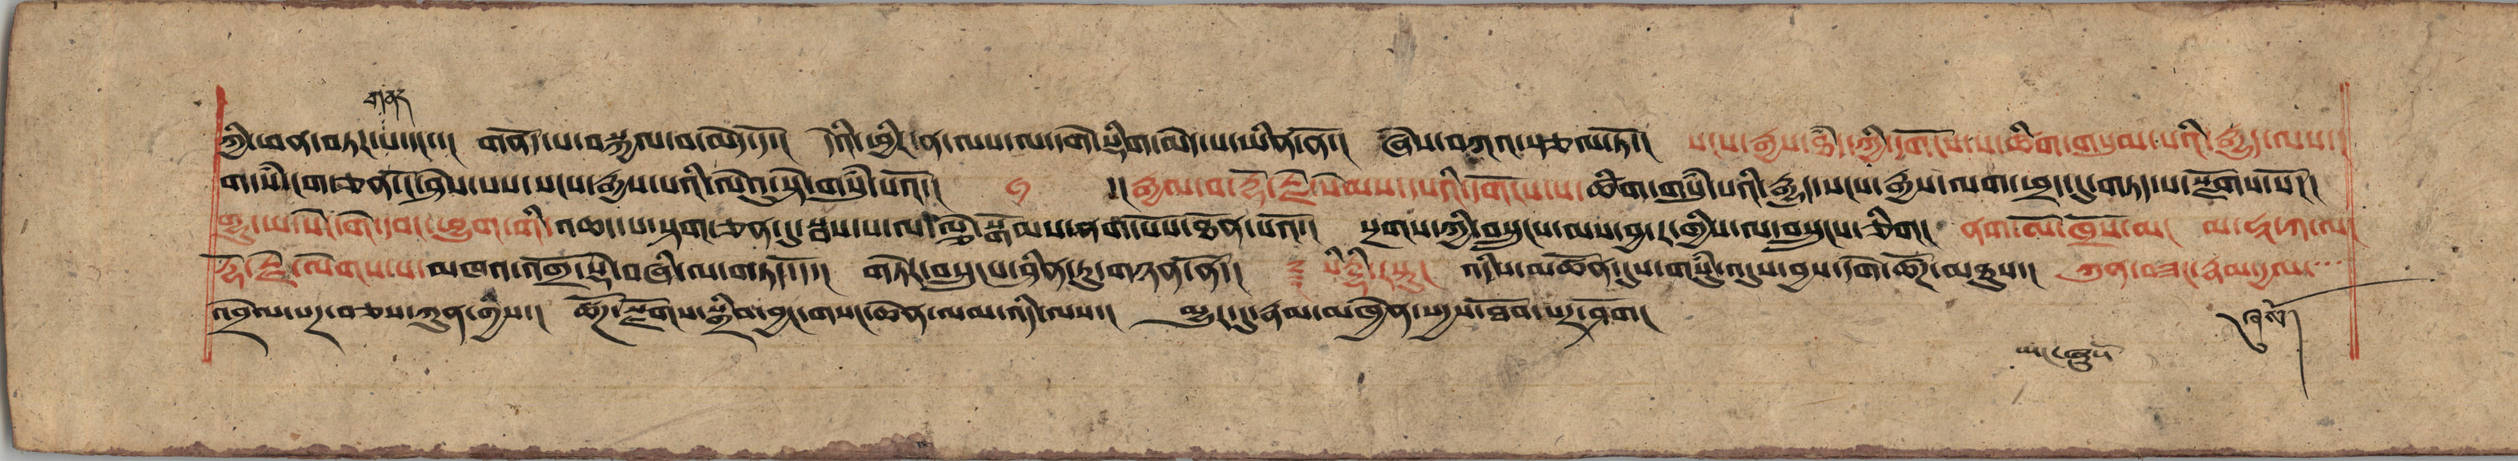ཀྱི་ཕན་བཏཌ་པ་དང་། གནོད་པ་བསྐྱལ་བ་མེད་དོ་། དེའི་ཕྱིར་ན་ལས་ལ་དགེ་སྡིག་མེད་པ་ཡིན་ནོ་། ཞེས་བཀའ་སྩལ་ཏོ་། སངས་རྒྱས་ཐཾད་ཀྱི་དགོངས་པ་ཚིག་གསུམ་པའི་རྒྱུད་ལས་།
ག་སཾ་ངག་ཅན་ངོ་ཤེས་པས་་སངས་རྒྱས་པའི་ལེའུ་སྟེ་གསུཾ་པའོ་། ་།རྒྱལ་བ་རྡོ་རྗེ་སེམས་དཔའི་དགོངས་པ་ཚིག་གསུཾ་པའི་རྒྱུད་སངས་རྒྱས་ལག་ཕྲད་དུ་གཏད་པ་སྫོགས་སོ།།།
གྷུ་ཡ་སེང་གེ་དབང་ཕྱུག་གི་འཆད་པ་སྟག་ཅན་དུ་སྦས་པ་ལ་ལྕེ་སྒོམས་ནག་པོས་ཐོན་པའོ་། སྔགས་ཀྱི་བསྲུངས་མས་བྱ་ར་གྱིས་ལ་བསྲུངས་ཅིག། ནག་མོ་ཁྲོས་མ། མ་ཧཱ་ཀ་ལ།
རྡོ་རྗེ་ལེགས་པ་མཁའ་འགྲོ་སྡེ་བཞི་ལ་གཏད་དོ་། གཏེར་བསྲུངས་ཤིན་ཏུ་གཉན་ནོ་། ༈ སིཏྡྷི་རསྟུ། འདིས་མཚོན་དུས་གསུཾ་འདུས་བྱས་དགེ་ཚོཌ་མཐུས་། ཀུན་བཟང་རྣམ་དྱལ་
འབྲེལ་པར་བཅས་ཀུན་གྱིས་། ཚོཌ་སྫོགས་སྒྲིབ་བྱང་གསང་ཆེན་ལམ་འདི་ལས་། མྱུར་དུ་རྣམ་མཁྱེན་སདྱས་ཐོབ་པར་ཤོག།